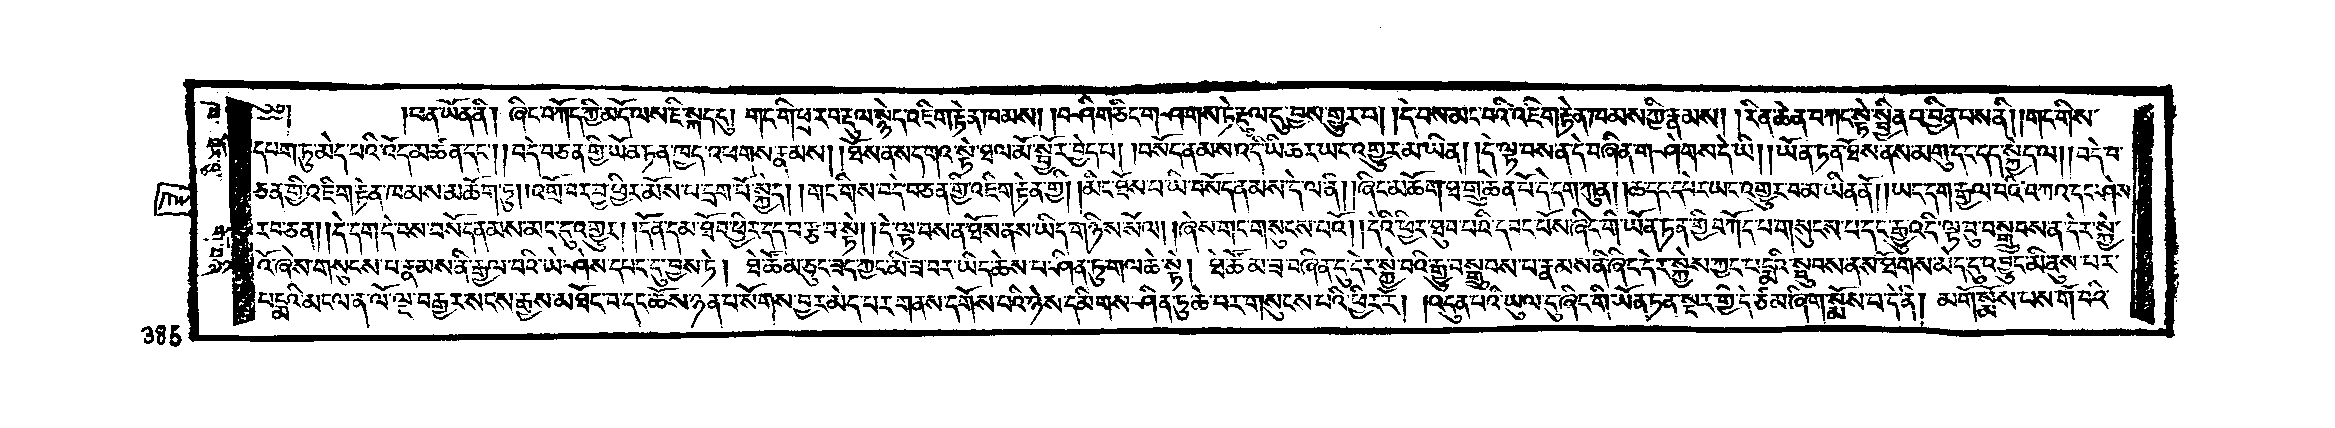༄༅། །ཕན་ཡོན་ནི། ཞིང་བཀོད་ཀྱི་མདོ་ལས་ཇི་སྐད་དུ། གང་གི་ཕྲ་རབ་རྡུལ་སྙེད་འཇིག་རྟེན་ཁམས། །བཤིག་ཅིང་གཤེགས་ཏེ་རྡུལ་དུ་བྱས་གྱུར་པ། །དེ་བས་མང་པའི་འཇིག་རྟེན་ཁམས་ཀྱི་རྣམས། །རིན་ཆེན་བཀང་སྟེ་སྦྱིན་པ་བྱིན་པས་ནི། །གང་གིས་
དཔག་ཏུ་མེད་པའི་འོད་མཚན་དང་། །བདེ་བ་ཅན་གྱི་ཡོན་ཏན་ཁྱད་འཕགས་རྣམས། །ཐོས་ནས་དགའ་སྟེ་ཐལ་མོ་སྦྱོར་བྱེད་པ། །བསོད་ནམས་འདི་ཡི་ཆར་ཡང་འགྱུར་མེ་ཡིན། །དེ་ལྟ་བས་ན་དེ་བཞིན་གཤེགས་དེ་ཡི། །ཡོན་ཏན་ཐོས་ནས་མགུ་དང་དད་སྐྱེད་ལ། །བདེ་བ་
ཅན་གྱི་འཇིག་རྟེན་ཁམས་མཆོག་ཏུ། །འགྲོ་བར་བྱ་ཕྱིར་མོས་པ་དྲག་པོ་སྐྱེད། །གང་གིས་བདེ་བ་ཅན་གྱི་འཇིག་རྟེན་གྱི། །མིང་ཐོས་པ་ཡི་བསོད་ནམས་དེ་ལ་ནི། །ཞིང་མཆོག་ཐ་གྲུ་ཆེན་པོ་དེ་དག་ཀུན། །ཆ་དང་དཔེར་ཡང་འགྱུར་བ་མ་ཡིན་ནོ། །ཡང་དག་རྒྱལ་བའི་བཀའ་དང་ཤེས་
རབ་ཅན། །དེ་དག་དེ་བས་བསོད་ནམས་མང་དུ་འགྱུར། །དོན་དམ་ཐོབ་ཕྱིར་དད་པ་རྩ་བ་སྟེ། །དེ་ལྟ་བས་ན་ཐོས་ནས་ཡིད་གཉིས་སོལ། །ཞེས་གང་གསུངས་པའོ། །དེའི་ཕྱིར་ཐུབ་པའི་དབང་པོས་ཞིང་གི་ཡོན་ཏན་གྱི་བཀོད་པ་གསུངས་པ་དང་རྒྱུ་འདི་ལྟ་བུ་བསྒྲུབས་ན་དེར་སྐྱེ་
འོ་ཞེས་གསུངས་པ་རྣམས་ནི་རྒྱལ་བའི་ཡེ་ཤེས་དབང་དུ་བྱས་ཏེ། ཐེ་ཚོམ་ཅུང་ཟད་ཀྱང་མི་ཟ་བར་ཡིད་ཆེས་པ་ཤིན་ཏུ་གལ་ཆེ་སྟེ། ཐེ་ཚོམ་ཟ་བཞིན་དུ་དེར་སྐྱེ་བའི་རྒྱུ་བསྒྲུབས་པ་རྣམས་ནི་ཞིང་དེར་སྐྱེས་ཀྱང་པདམའི་སྦུབས་ནས་ཐོགས་མེད་དུ་འབྱུང་མི་ནུས་པར་
པདམའི་མངལ་ན་ལོ་ལྔ་བརྒྱར་སངས་རྒྱས་མཐོང་བ་དང་ཆོས་ཉན་པ་སོགས་བྱར་མེད་པར་གནས་དགོས་པའི་ཉེས་དམིགས་ཤིན་ཏུ་ཆེ་བར་གསུངས་པའི་ཕྱིར་རོ། །འདུན་པའི་ཡུལ་དུ་ཞིང་གི་ཡོན་ཏན་སྔར་གྱི་དེ་ཙམ་ཞིག་སྨོས་པ་དེ་ནི། མགོ་སྨོས་པས་གོ་བའི་